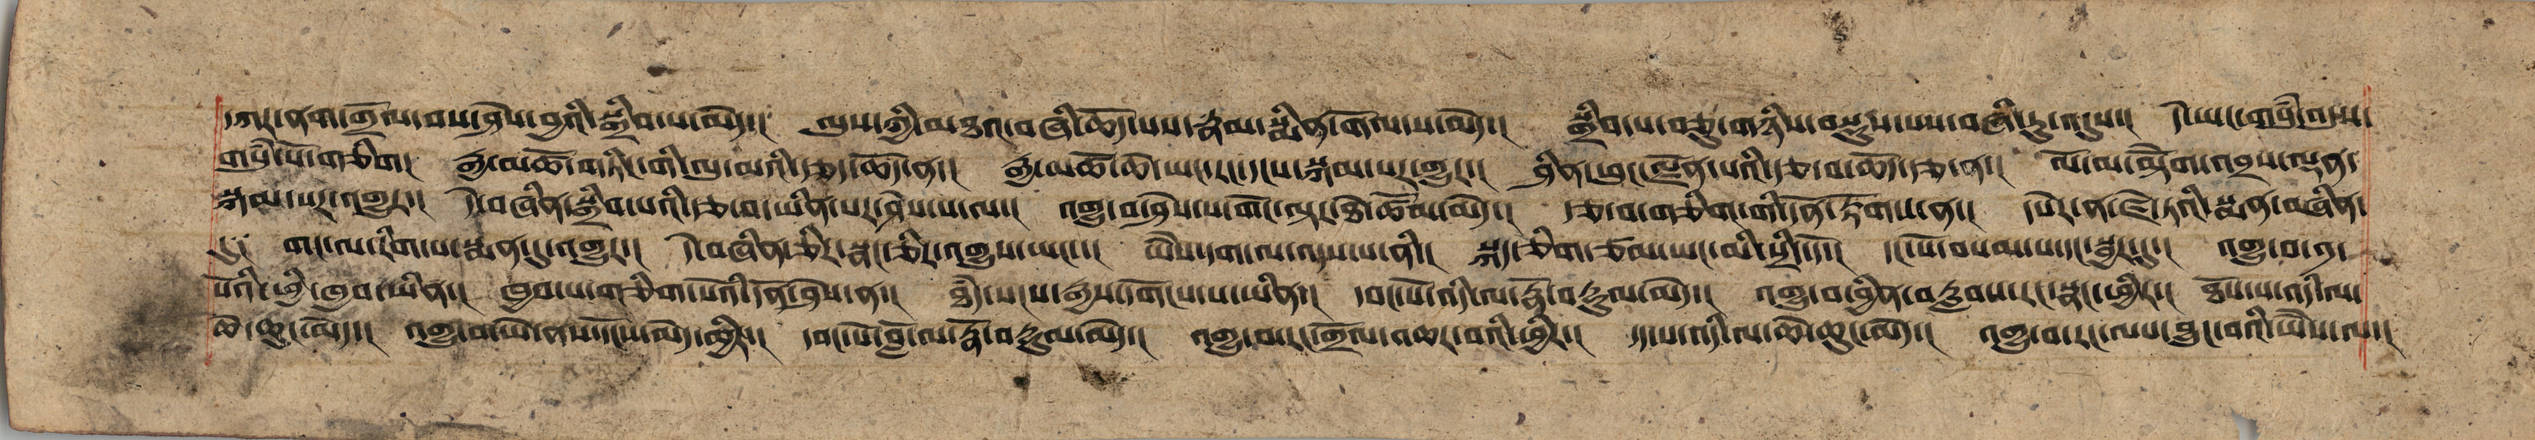དཀར་ནག་གྲོལ་བས་ཤེས་བྱའི་སྒྲིབ་པ་མེད་། ལུས་གྱི་མཐའ་བཞི་ཆོད་པས་རྣམ་སྨིན་གོལ་ས་མེད་། སྒྲིབ་པ་བཅུ་གཉིས་བསྡུས་པས་བཞི་རུ་འདུས་། དེ་ཡང་གསུཾ་འདུས་
གསུཾ་པོ་གཅིག། རྒྱ་མཚོ་གཏིང་གི་ལུ་མའི་རྩད་ཆོད་ན་། རྒྱ་མཚོ་ཆེ་ཡང་རང་དངས་སྐམ་པར་གྱུར་། ཤིན་ཕུང་ལྗོན་པའི་རྩ་བ་ཆོད་རྩ་ན་། ལོ་མ་མྟེོག་འབྲས་ལྡན་
སྐམ་པར་འགྱུར་། དེ་བཞིན་སྒྲིབ་པའི་རྩ་བ་ཡིན་པར་ཤེས་པ་ལ་། འགྱུ་བ་ཤེས་པ་གོང་ལྟར་ཐེ་ཚོམ་མེད་། རྩ་བ་གཅིག་གི་དོན་རྟོགས་ན་། དཔེར་ན་ཛེ་ཏའི་སྨན་བཞིན་
དུ༑ གང་ལ་རིག་པ་སྨན་དུ་འགྱུར་། དེ་བཞིན་ཅིར་སྣང་ཅིར་འགྱུས་ཡང་་། ཡཻས་དག་ལ་ལྔས་པ་ནི་། སྐད་ཅིག་ཙམ་ཡང་མི་སྲིད་དོ་། དང་པོ་བསམ་པ་དང་སྦྱར་དུ་། འགྱུ་བ་༡་
སོའི་ཕྱི་ཁྱབ་ཡིན་། ཁྱབ་པ་གཅིག་སོའི་དོན་ཤེས་ན་། ཐཾད་སངས་རྒྱས་དགོངས་པ་ཡིན་། དབང་པོ་འདི་ལ་རྣོ་བརྟུལ་མེད་། འགྱུ་བ་བྱིན་བརླབས་རང་སྣང་ཕྱིར་། ཐོས་པ་འདི་ལ་
ཆེ་ཆུང་མེད་། འགྱུ་བ་ཡེ་ནས་དངོས་མེད་ཕྱིར་། དབང་པོ་བློ་ལ་རྣོ་བརྡུལ་མེད་། འགྱུ་བ་རང་གྲོལ་འཆར་བའི་ཕྱིར་། དད་པ་འདི་ལ་ཆེ་ཆུང་མེད་། འགྱུ་བ་རང་ལས་བྱུང་བའི་ཡཻས་ལ་།